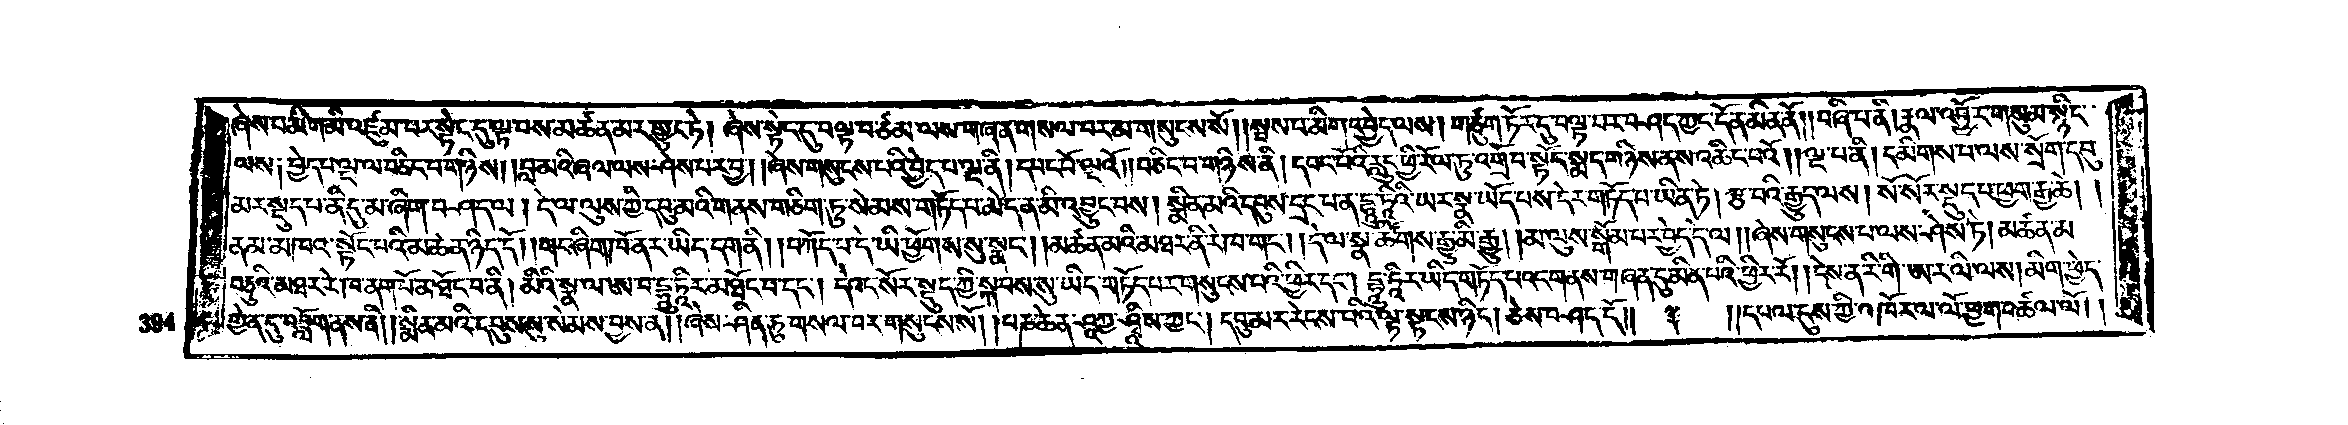ཞེས་པ་མིག་མི་འཛུམ་པར་སྟེང་དུ་ལྟ་བས་མཚན་མར་གྱུར་ཏེ། ཞེས་སྟེང་དུ་བལྟ་བ་ཙམ་ལས་གཞན་གསལ་བར་མ་གསུངས་སོ། །སྦས་པ་མིག་འབྱེད་ལས། གཙུག་ཏོར་དུ་བལྟ་བར་བཤད་ཀྱང་དོན་མིན་ནོ། །བཞི་པ་ནི། རྣལ་འབྱོར་གསུམ་སྙིང་
ལས། བྱེད་པ་ལྔ་ལ་བཅིང་བ་གཉིས། །བླ་མའི་ཞལ་ལས་ཤེས་པར་བྱ། །ཞེས་གསུངས་པའི་བྱེད་པ་ལྔ་ནི། དབང་པོ་ལྔའོ། །བཅིང་བ་གཉིས་ནི། དབང་པོའི་རླུང་ཕྱི་རོལ་ཏུ་འགྲོ་བ་སྟོད་སྨད་གཉིས་ནས་འཆིང་བའོ། །ལྔ་པ་ནི། དམིགས་པ་ལས་སྲོག་དབུ་
མར་སྡུད་པ་ནི་དུ་མ་ཞིག་བཤད་ལ། དེ་ལ་ལུས་ཀྱི་དབུ་མའི་གནས་གཅིག་ཏུ་སེམས་གཏོད་པ་མེད་ན་མི་འབྱུང་བས། སྨིན་མའི་དབུས་དྲང་པ་ན་དྷཱུ་ཏཱིའི་ཡར་སྣ་ཡོད་པས་དེར་གཏོད་པ་ཡིན་ཏེ། རྩ་བའི་རྒྱུད་ལས། སོ་སོར་སྡུད་པ་ཕྱག་རྒྱ་ཆེ། །
ནམ་མཁའ་སྟོང་པའི་མཚན་ཉིད་དོ། །གང་ཞིག་ཁོ་ནར་ཡིད་དག་ནི། །བཀོད་པ་དེ་ཡི་ཕྱོགས་སུ་སྣང་། །མཚན་མའི་མཐར་ནི་རེ་ཁ་གང་། །དེ་ལ་སྣ་ཚོགས་རྒྱུ་མི་རྒྱུ། །མ་ལུས་སྒོམ་པར་བྱེད་དེ་ལ། །ཞེས་གསུངས་པ་ལས་ཤེས་ཏེ། མཚན་མ་
བཅུའི་མཐར་རེ་ཁ་ནག་པོ་མཐོང་བ་ནི། མིའི་སྣ་ལ་ཨ་བ་དྷཱུ་ཏཱིར་མཐོང་བ་དང་། དེའང་སོར་སྡུད་ཀྱི་སྐབས་སུ་ཡིད་གཏོད་པར་གསུངས་པའི་ཕྱིར་དང་། དྷཱུ་ཏཱིར་ཡིད་གཏོད་པའང་གནས་གཞན་དུ་མིན་པའི་ཕྱིར་རོ། །དེས་ན་རི་གི་ཨ་ར་ལི་ལས། མིག་ཕྱེད་
གྱེན་དུ་བཟློག་ནས་ནི། །སྨིན་མའི་དབུས་སུ་སེམས་བྱས་ན། །ཞེས་ཤིན་ཏུ་གསལ་བར་གསུངས་སོ། །པཎ་ཆེན་ཤཱཀྱ་ཤྭཱིས་ཀྱང་། དབུ་མར་རེངས་པའི་ལྟ་སྟངས་ཉིད། ཅེས་བཤད་དོ།། ༈ །།དཔལ་དུས་ཀྱི་འཁོར་ལ་ལོ་ཕྱག་འཚལ་ལོ། །